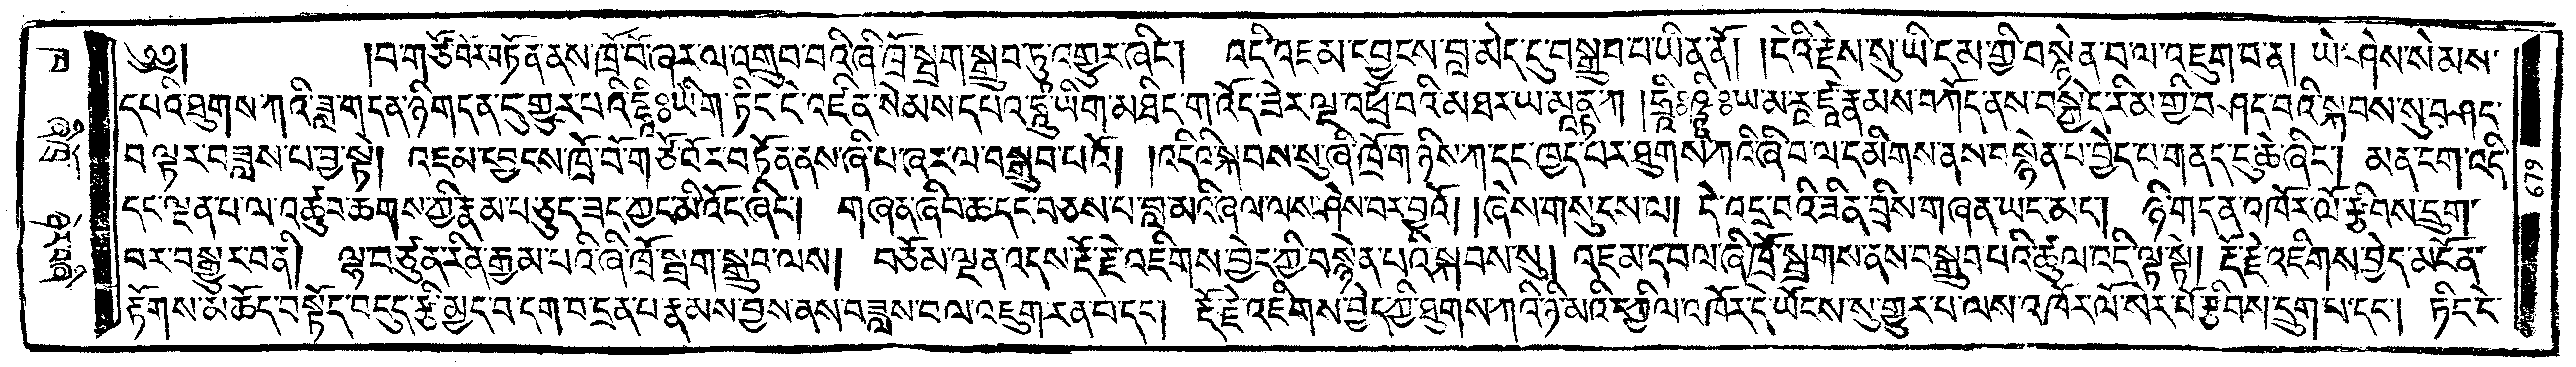༄༅། །བ་གཙོ་བོར་བཏོན་ནས་ཁྲོ་བོ་ཞར་ལ་འགྲུབ་བའི་ཞི་ཁྲོ་སྦྲག་སྒྲུབ་ཏུ་འགྱུར་ཞིང་། འདི་འཇམ་དབྱངས་བླ་མེད་དུ་བསྒྲུབ་པ་ཡིན་ནོ། །དེའི་རྗེས་སུ་ཡི་དམ་གྱི་བསྙེན་པ་ལ་འཇུག་པ་ན། ཡེ་ཤེས་སེམས་
དཔའི་ཐུགས་ཀའི་ཟླ་གདན་ཉི་གདན་དུ་གྱུར་པའི་དྷཱིཿཡེ་གི་ཏིང་ངེ་འཛིན་སེམས་དཔའ་ཧཱུཾ་ཡིག་མཐིང་ག་འོད་ཟེར་ལྔ་འཕྲོ་བའི་མཐར་ཡ་མཱནྟ་ཀ །ཧྲཱིཿཥྚཱིཿཡ་མ་རཱ་ཛཱ་རྣམས་བཀོད་ནས་བསྐྱེད་རིམ་གྱི་བཤད་པའི་སྐབས་སུ་བཤད་
བ་ལྟར་བཟླས་པ་བྱ་སྟེ། འཇམ་དབྱངས་ཁྲོ་བོ་གཙོ་བོར་བཏོན་ནས་ཞི་པ་ཞར་ལ་བསྒྲུབ་པའོ། །འདིའི་སྐབས་སུ་ཞི་ཁྲོ་གཉིས་ཀ་དང་ཁྱད་པར་ཐུགས་ཀའི་ཞི་བ་ལ་དམིགས་ནས་བསྙེན་པ་བྱེད་པ་གནད་དུ་ཆེ་ཞིང་། མན་ངག་འདི་
དང་ལྡན་པ་ལ་འཚུབ་ཆགས་ཀྱི་རྣམ་པ་ཅུང་ཟད་ཀྱང་མི་འོང་ཞིང་། གཞན་ཞིབ་ཆ་དང་བཅས་པ་བླ་མའི་ཞལ་ལས་ཤེས་བར་བྱའོ། །ཞེས་གསུངས་ལ། དེ་འདྲ་བའི་ཟིན་བྲིས་གཞན་ཡང་མང་། ཉི་གདན་འཁོར་ལོ་རྩིབས་དྲུག་
བར་བསྒྱུར་བ་ནི། ལྷ་བཙུན་རིན་རྒྱམ་པའི་ཞི་ཁྲོ་སྦྲག་སྒྲུབ་ལས། བཅོམ་ལྡན་འདས་རྡོ་རྗེ་འཇིགས་བྱེད་ཀྱི་བསྙེན་པའི་སྐབས་སུ། འཇམ་དཔལ་ཞི་ཁྲོ་སྦྲགས་ནས་བསྒྲུབ་པའི་ཚུལ་འདི་ལྟ་སྟེ། རྡོ་རྗེ་འཇིགས་བྱེད་མངོན་
རྟོགས་མཆོད་བསྟོད་བདུད་རྩི་མྱང་བ་དག་བ་དྲན་པ་རྣམས་བྱས་ནས་བཟླས་བལ་འཇུག་རན་བ་དང་། རྡོ་རྗེ་འཇིགས་བྱེད་ཀྱི་ཐུགས་ཀའི་ཉི་མའི་དཀྱིལ་འཁོར་དེ་ཡོངས་སུ་གྱུར་པ་ལས་འཁོར་ལོ་སེར་པོ་རྩིབས་དྲུག་པ་དང་། ཏིང་ངེ་